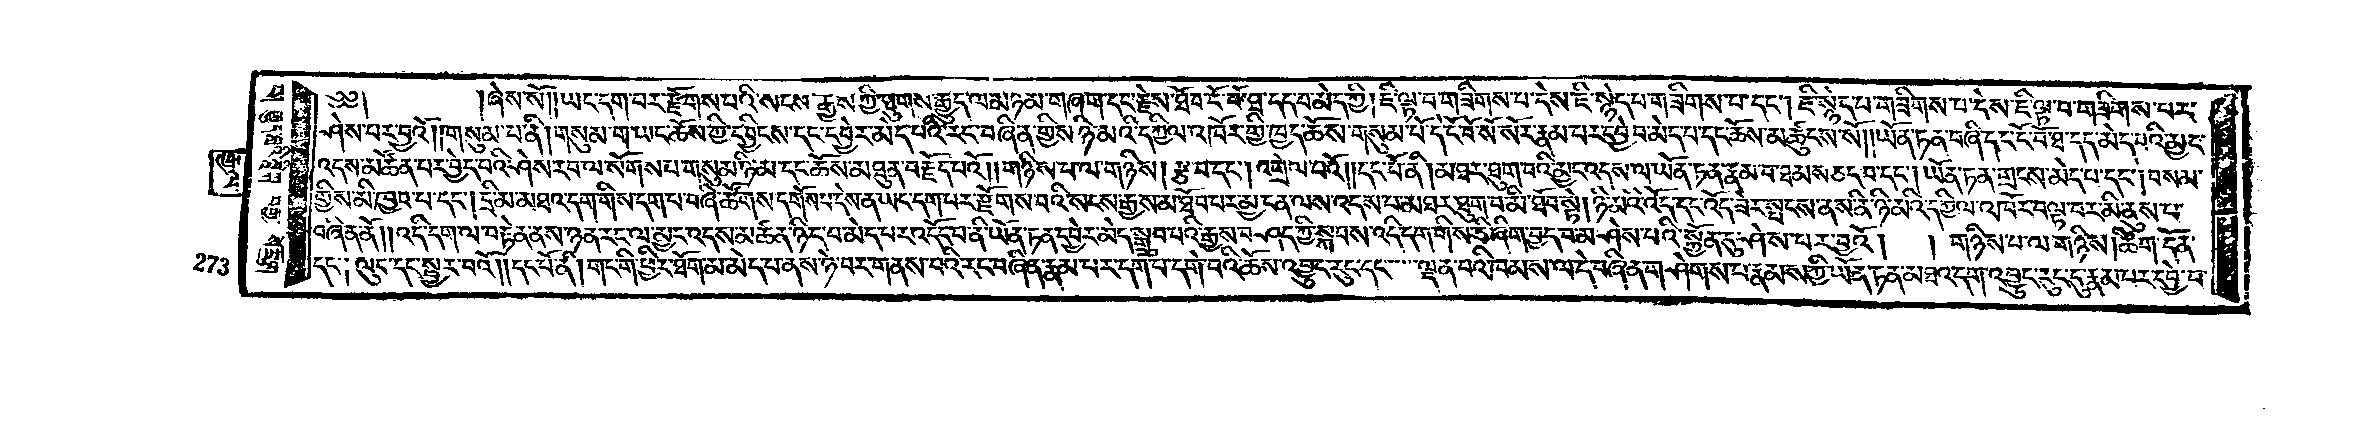༄༅། །ཞེས་སོ། །ཡང་དག་པར་རྫོགས་པའི་སངས་རྒྱས་ཀྱི་ཐུགས་རྒྱུད་ལ་མཉམ་གཞག་དང་རྗེས་ཐོབ་ངོ་བོ་ཐ་དད་པ་མེད་ཀྱི། ཇི་ལྟ་བ་གཟིགས་པ་དེས་ཇི་སྙེད་པ་གཟིགས་པ་དང་། ཇི་སྙེད་པ་གཟིགས་པ་དེས་ཇི་ལྟ་བ་གཟིགས་པར་
ཤེས་པར་བྱའོ། །གསུམ་པ་ནི། གསུམ་ག་ཡང་ཆོས་ཀྱི་དབྱིངས་དང་དབྱེར་མེད་པའི་རང་བཞིན་གྱིས་ཉི་མའི་དཀྱིལ་འཁོར་གྱི་ཁྱད་ཆོས་གསུམ་པོ་དེ་ངོ་བོ་སོ་སོར་རྣམ་པར་དབྱེ་བ་མེད་པ་དང་ཆོས་མཚུངས་སོ། །ཡོན་ཏན་བཞི་དང་ངོ་བོ་ཐ་དད་མེད་པའི་མྱང་
འདས་མཚོན་པར་བྱེད་པའི་ཤེས་རབ་ལ་སོགས་པ་གསུམ་ཉི་མ་དང་ཆོས་མཐུན་བརྗོད་པའོ། །གཉིས་པ་ལ་གཉིས། རྩ་བ་དང་། འགྲེལ་པའོ། །དང་པོ་ནི། མཐར་ཐུག་པའི་མྱང་འདས་ལ་ཡོན་ཏན་རྣམ་པ་ཐམས་ཅད་པ་དང་། ཡོན་ཏན་གྲངས་མེད་པ་དང་། བསམ་
གྱིས་མི་ཁྱབ་པ་དང་། དྲི་མ་མཐའ་དག་གིས་དག་པ་བཞི་ཚོགས་དགོས་པ་དེས་ན་ཡང་དག་པར་རྫོགས་པའི་སངས་རྒྱས་མ་ཐོབ་པར་མྱ་ངན་ལས་འདས་པ་མཐར་ཐུག་པ་མི་ཐོབ་སྟེ། ཉི་མའི་འོད་དང་འོད་ཟེར་སྤངས་ནས་ནི་ཉི་མའི་དཀྱིལ་འཁོར་བལྟ་བར་མི་ནུས་པ་
བཞིན་ནོ། །འདི་དག་ལ་བརྟེན་ནས་ཉན་རང་ལ་མྱང་འདས་མཚན་ཉིད་པ་མེད་པར་འདོད་པ་ནི་ཡོན་ཏན་དབྱེར་མེད་སྒྲུབ་པའི་རྒྱས་བཤད་ཀྱི་སྐབས་འདི་དག་གིས་ཅི་ཞིག་བྱད་པ་མ་ཤེས་པའི་སྐྱོན་དུ་ཤེས་པར་བྱའོ། །གཉིས་པ་ལ་གཉིས། ཚིག་དོན་
དང༑ ལུང་དང་སྦྱར་བའོ། །དང་པོ་ནི། གང་གི་ཕྱིར་ཐོག་མ་མེད་པ་ནས་ཉེ་བར་གནས་པའི་རང་བཞིན་རྣམ་པར་དག་པ་དགེ་བའི་ཆོས་འབྱུང་རུང་དང་ལྡན་པའི་ཁམས་ལ་དེ་བཞིན་གཤེགས་པ་རྣམས་ཀྱི་ཡོན་ཏན་མཐའ་དག་འབྱུང་རུང་དུ་རྣམ་པར་དབྱེ་བ་